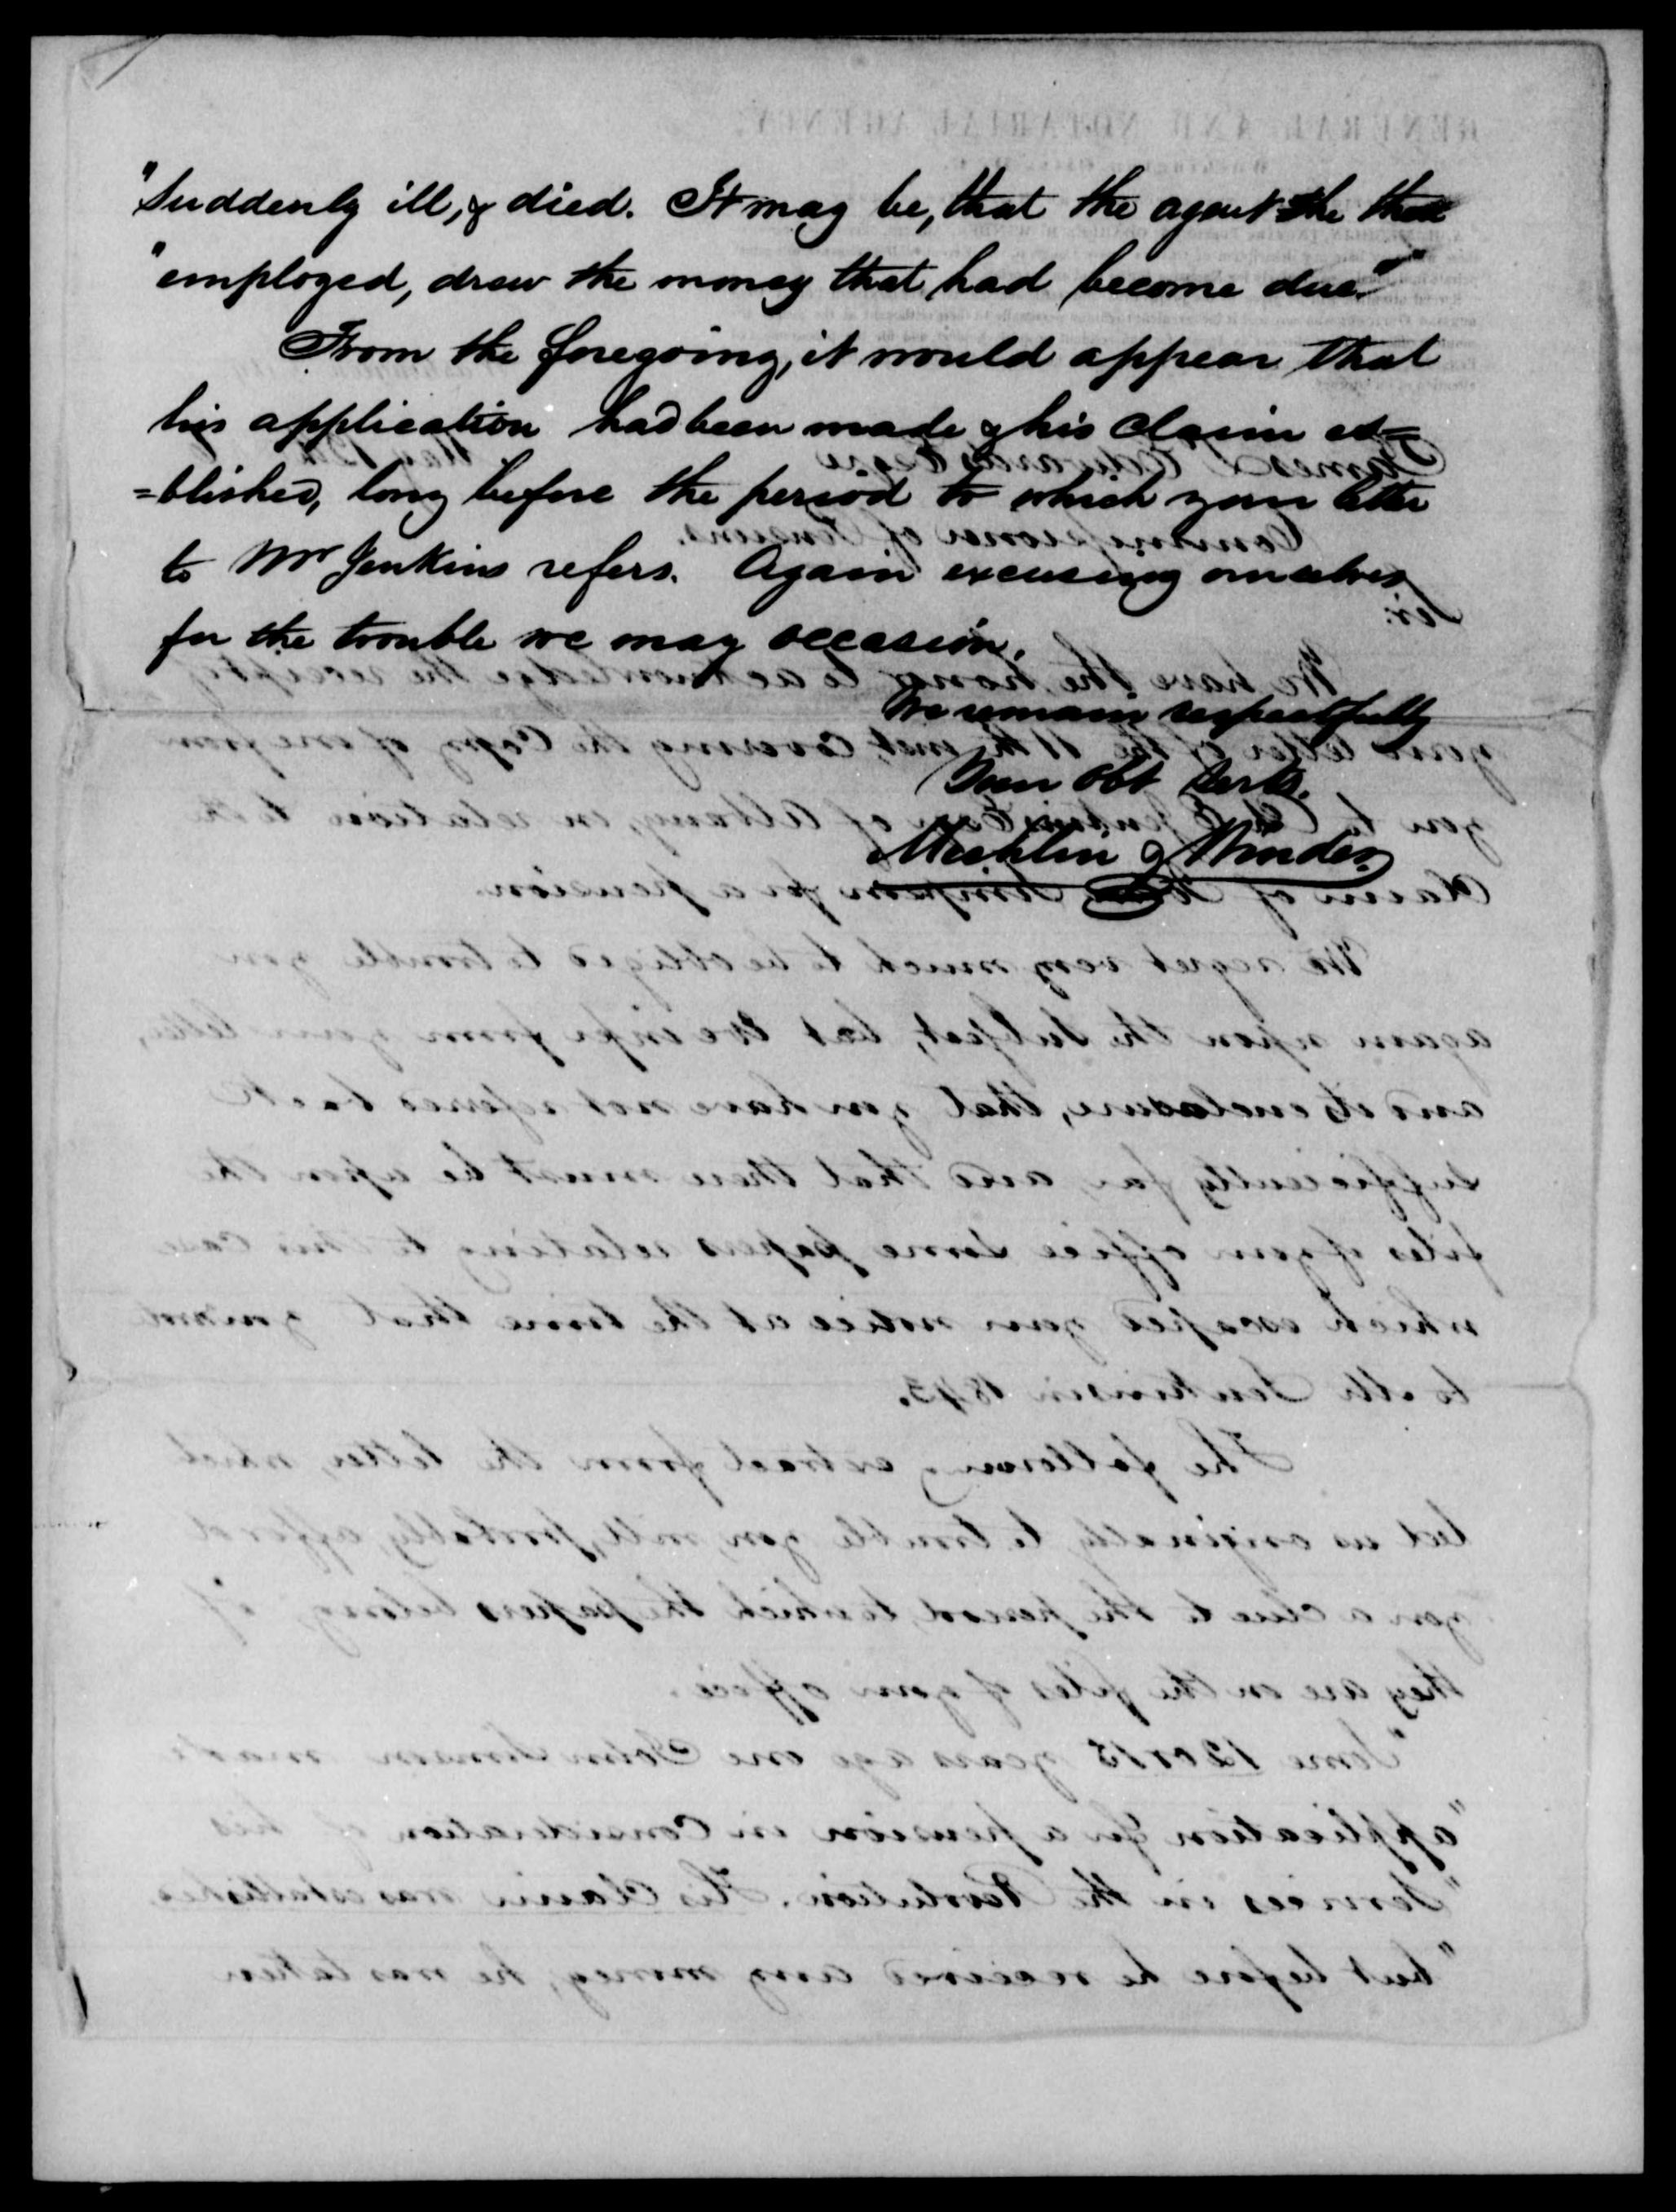Suddenly ill, & died. It may be, that the agent that he employed, drew the money that had become due
From the foregoing, it would appear that
his application had been made &  his claim
established, long before the period to which your letter to Mr Jenkins refers. Again excusing ourselves for the trouble we may occasion.

We remain respectfully 
your Obt Sert
Machlin Winder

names: [BLANK] Winder; [BLANK] Jenkins; [BLANK] Mechlin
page: 26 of 35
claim: rejected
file: R. 9601, for John Simson, New Jersey